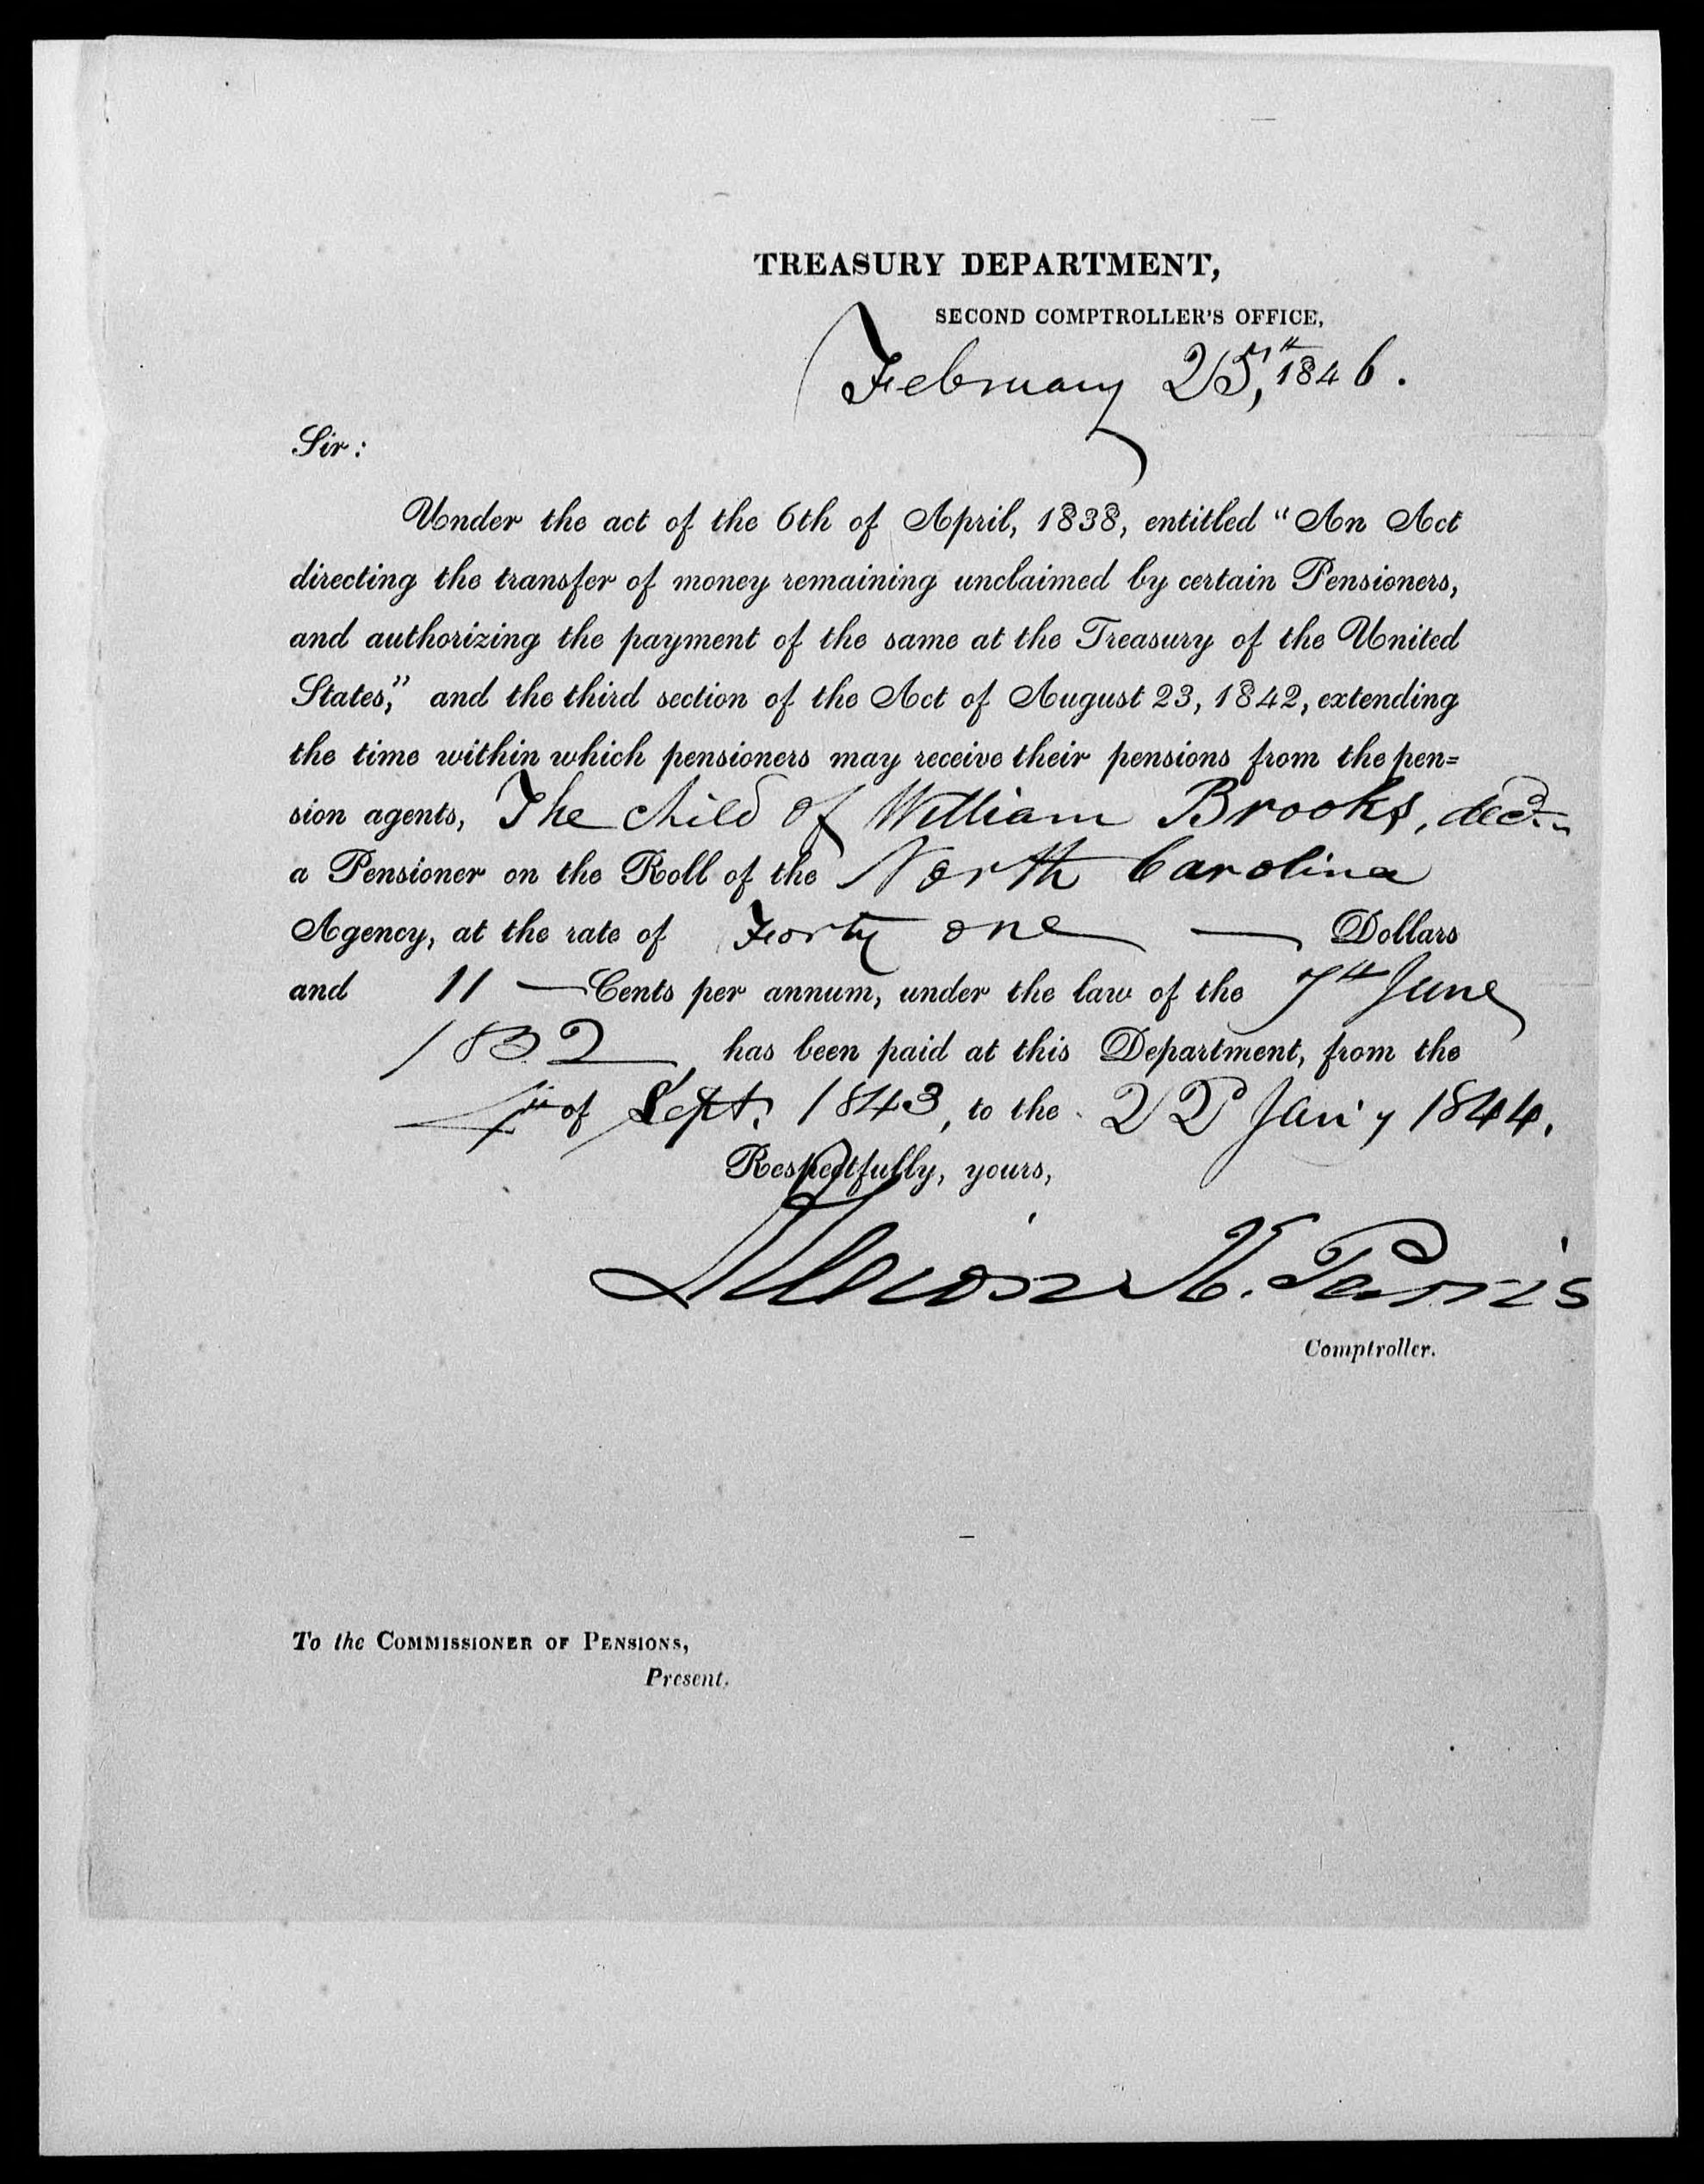TREASURY DEPARTMENT
                SECOND COMPTROLLER'S OFFICE
                February 25, 1846
Sir:

   Under the act of the 6th of April, 1838, entitled "An Act directing the transfer of money remaining unclaimed by certain Pensioners, and authorizing the payment of the same at the Treasury of the United States,"  and the third section of the Act of August 23, 1842, extending the time within which pensioners may receive their pensions from the pension agents, The child of William Brooks, a Pension on the Roll of North Carolina Agency, at the rate of Forty one Dollars and 11 cdents per annum, under the law of the 7th June 1802 has been paid at this Department from 4 of Sept, 1843, to the 22 Jan'y 1844,

Respectfully yours,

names: William Brooks, Albion K Parris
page: 11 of 17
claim: survivor's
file: S. 6717, William Brooks, Md. N.C.